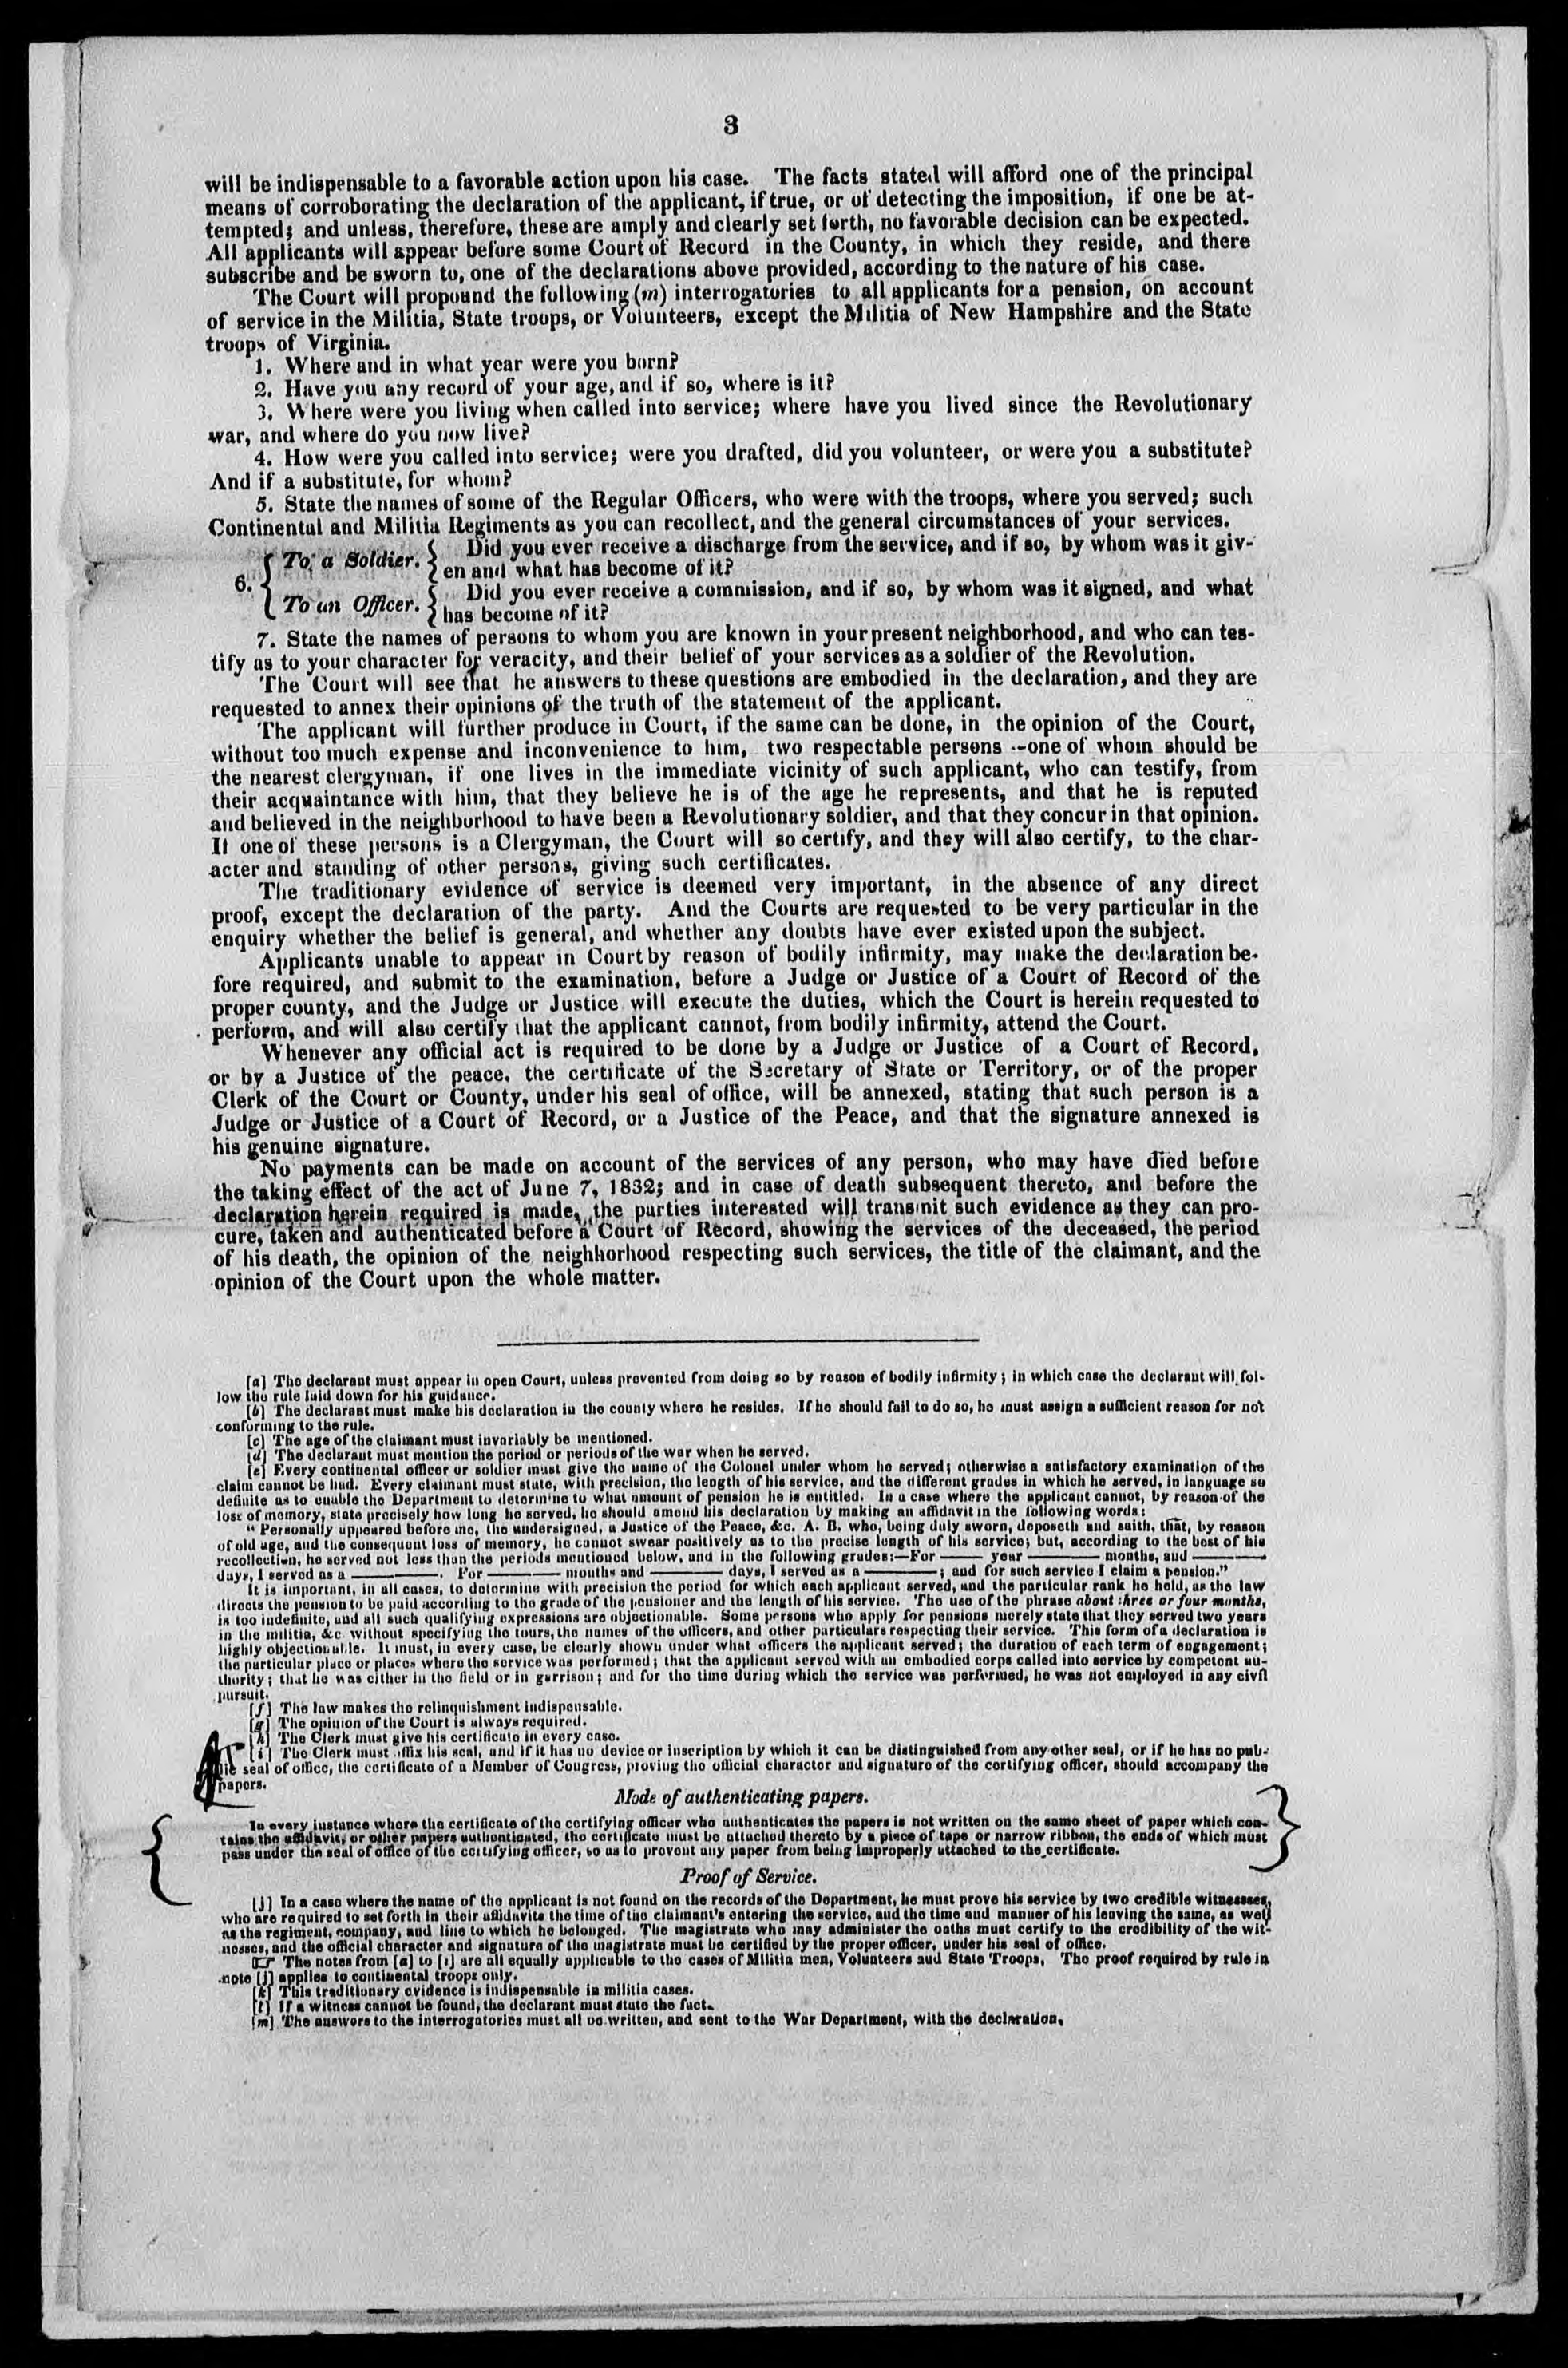3 
will be indispensable to a favorable action upon his case. The facts stated will afford one of the principal means of corroborating the declaration of the applicant, if true, or of detecting the imposition, if one be attempted ; and unless, therefore, these are amply and clearly set forth, no favorable decision can be expected. All applicants will appear before some Court of Record in the County, in which they reside, and there subscribe and be sworn to, one of the declarations above provided, according to the nature of his case. The Court will propound the following (m) interrogatories to all applicants for a pension, on account of service in the Militia, State troops, or Volunteers, except the Militia of New Hampshire and the State troops of Virginia.
1. Where and in what year were you born? 2. Have you any record of your age, and if so, where is it? 3. Where were you living when called into service; where have you lived since the Revolutionary war , and where do you now live? 4. How were you called into service; were you drafted, did you volunteer, or were you a substitute? And if a substitute, for whom? 5. State the names of some of the Regular Officers, who were with the troops, where you served; such Continental and Militia Regiments as you can recollect, and the general circumstances of your services.
6. {To a soldier{Did you ever receive a discharge from the service, and if so, by whom was it given and what has become of it?
{To an Officer{Did you ever receive a commission, and if so, by whom was it signed, and what has become of it? 
7. State the names of persons to whom you are known in your present neighborhood, and who can testify as to your character for veracity, and their belief of your services as a soldier of the Revolution.
The Court will see that he answers to these questions are embodied in the declaration, and they are requested to annex their opinions of the truth of the statement of the applicant. 
The applicant will further produce in Court, if the same can be done, in the opinion of the Court, without too much expense and inconvenience to him, two respectable persons-one of whom should be the nearest clergyman, if one lives in the immediate vicinity of such applicant, who can testify, from their acquaintance with him, that they believe he is of the age he represents, and that he is reputed and believed in the neighborhood to have been a Revolutionary soldier, and that they concur in that opinion. If one of these persons is a Clergyman, the Court will so certify, and they will also certify, to the character and standing of other persons, giving such certificates.
The traditionary evidence of service is deemed very important, in the absence of any direct proof, except the declaration of the party. And the Courts are requested to be very particular in the enquiry whether the belief is general, and whether any doubts have ever existed upon the subject. Applicants unable to appear in Court by reason of bodily infirmity, may make the declaration be fore required, and submit to the examination, before a Judge or Justice of a Court of Record of the proper county, and the Judge or Justice will execute the duties, which the Court is herein requested to perform, and will also certify that the applicant cannot, from bodily infirmity, attend the Court. 
Whenever any official act is required to be done by a Judge or Justice of a Court of Record, or by a Justice of the peace, the certificate of the Secretary of State or Territory, or of the proper Clerk of the Court or County, under his seal of office, will be annexed, stating that such person is a Judge or Justice of a Court of Record, or a Justice of the Peace, and that the signature annexed is his genuine signature. 
No payments can be made on account of the services of any person, who may have died before the taking effect of the act of June 7, 1832; and in case of death subsequent thereto, and before the declaration herein required is made, the parties interested will transmit such evidence as they can procure , taken and authenticated before a Court of Record, showing the services of the deceased, the period of his death, the opinion of the neighborhood respecting such services, the title of the claimant, and the opinion of the Court upon the whole matter.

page: 14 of 28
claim: survivor's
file: S. 17376, Joseph Damon, Continental Mass.